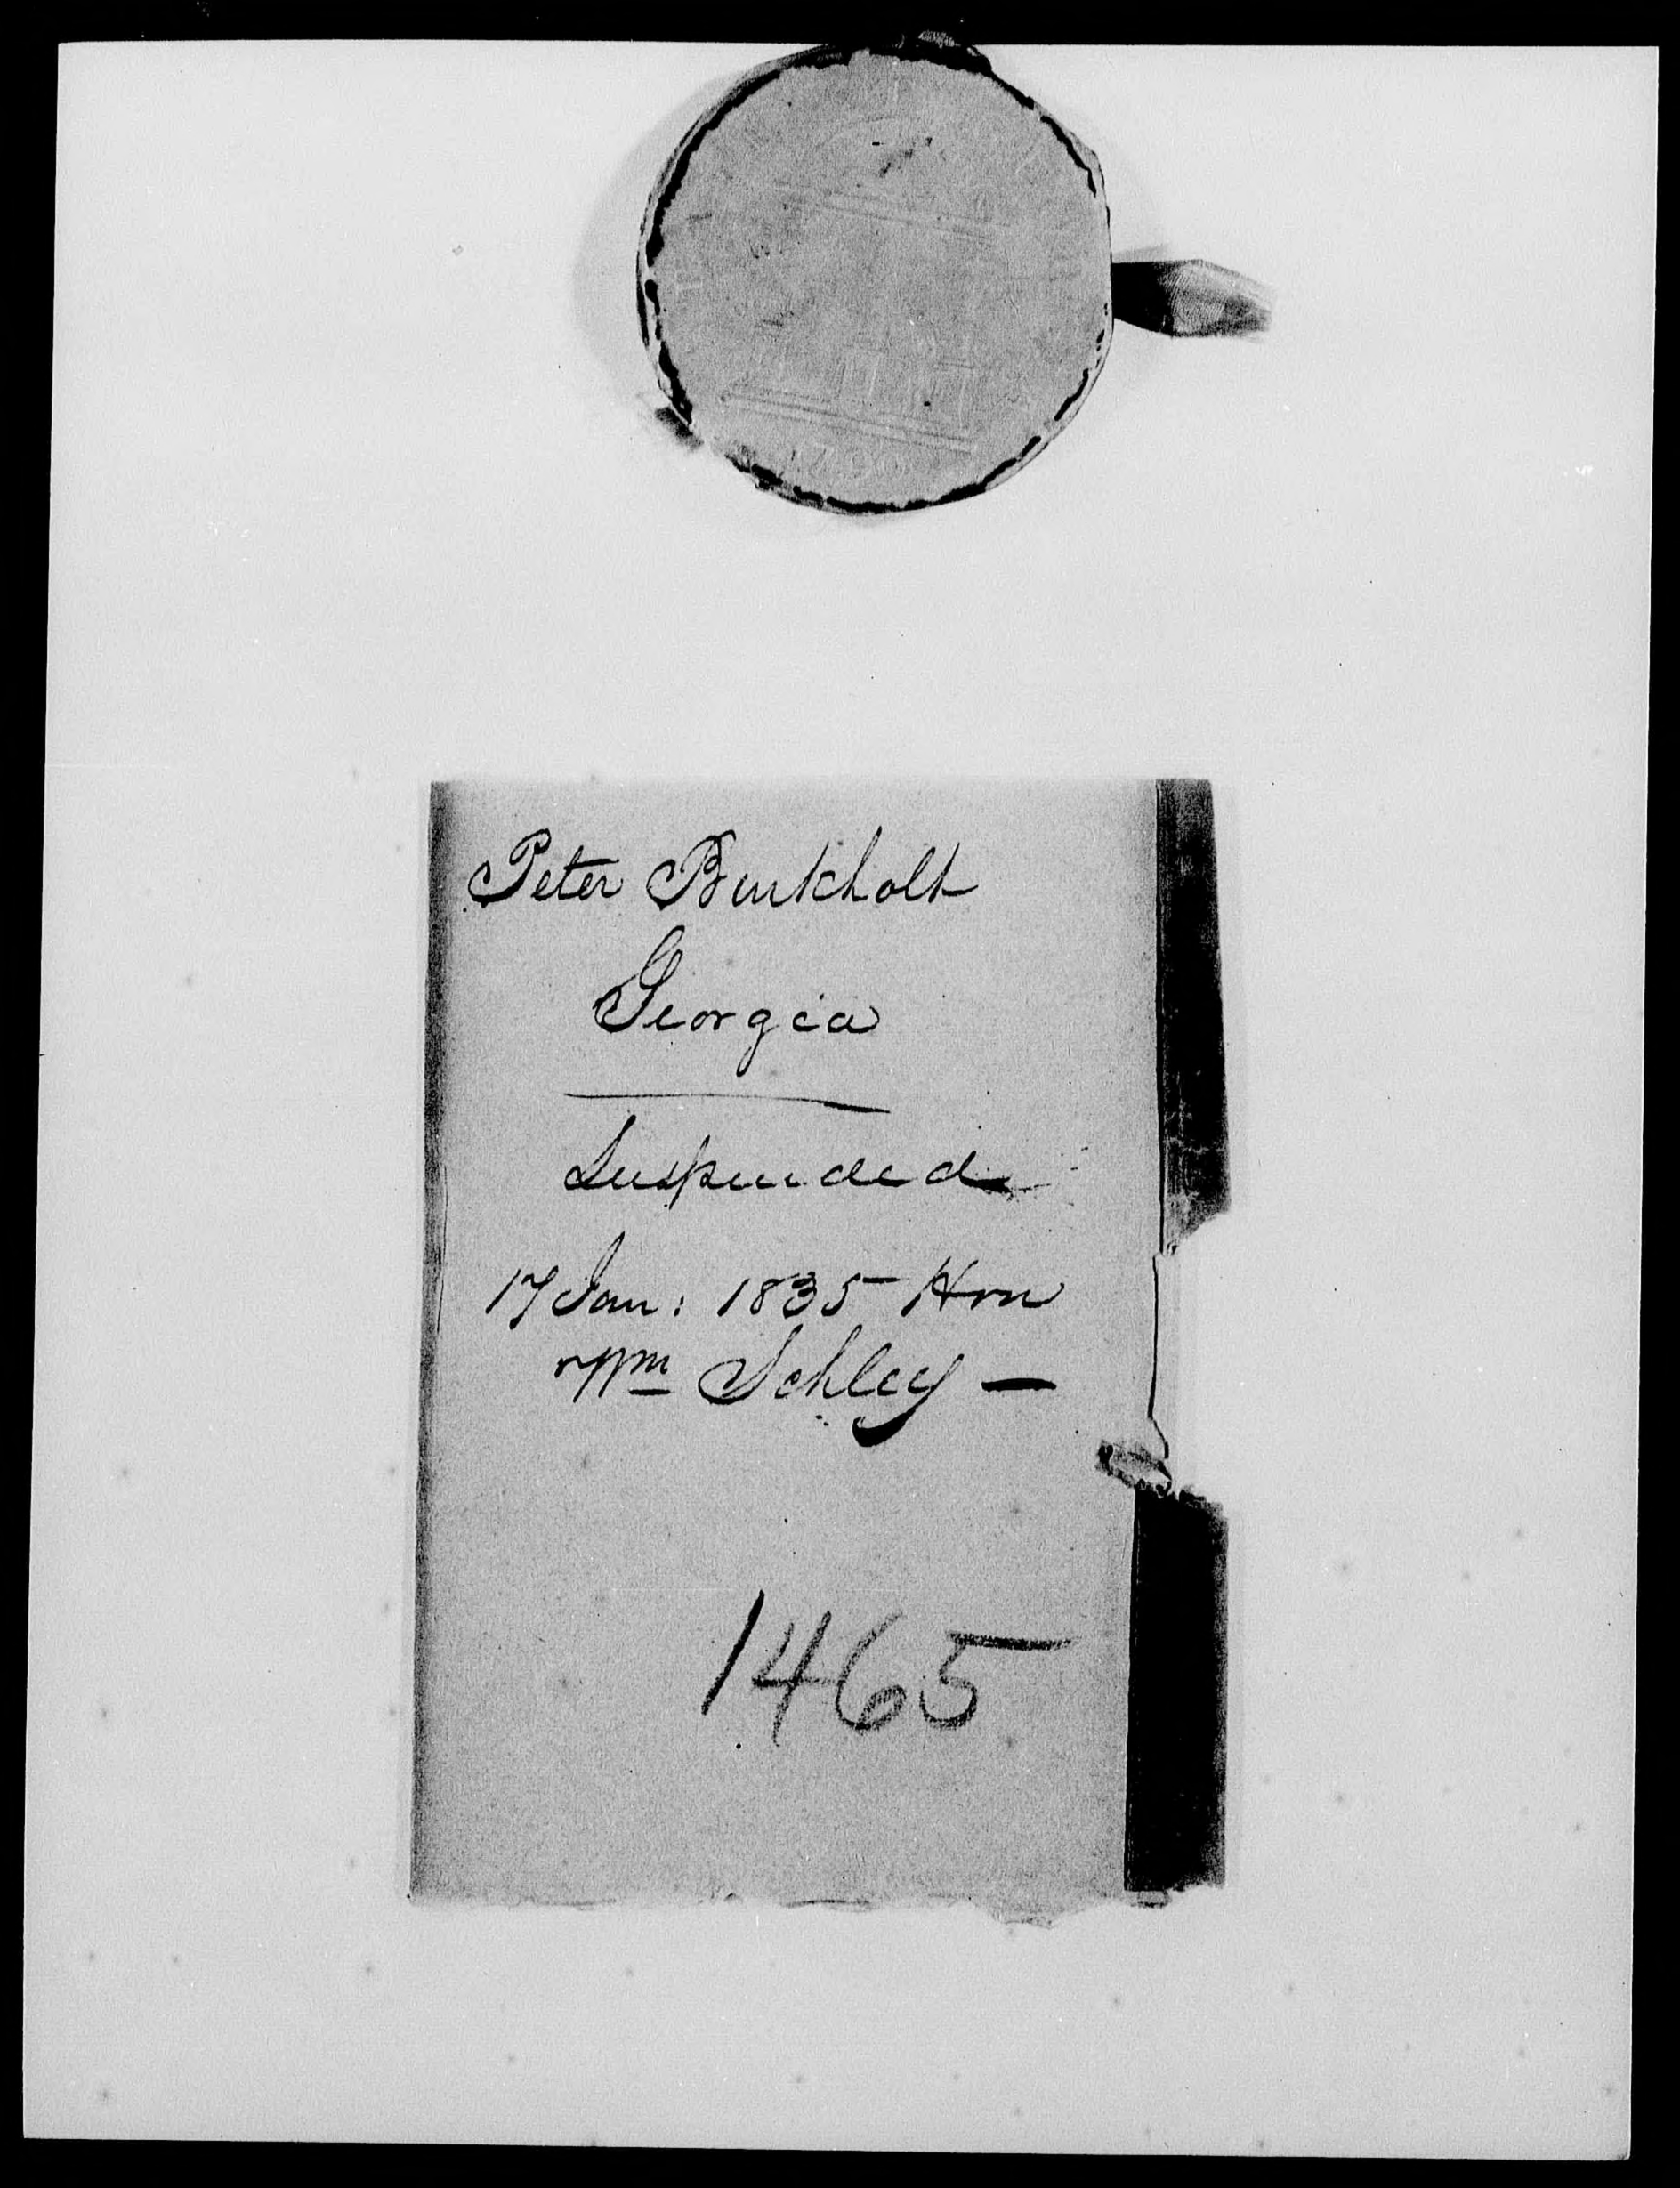[seal with 1790 on it]

Peter Buckholts
Georgia
-
Suspended
17 Jan: 1835 Hon Wm Schley

1465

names: Peter Buckholt, Wm Schley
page: 21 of 23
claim: rejected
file: R. 1465, Peter Buckholts, S.C.